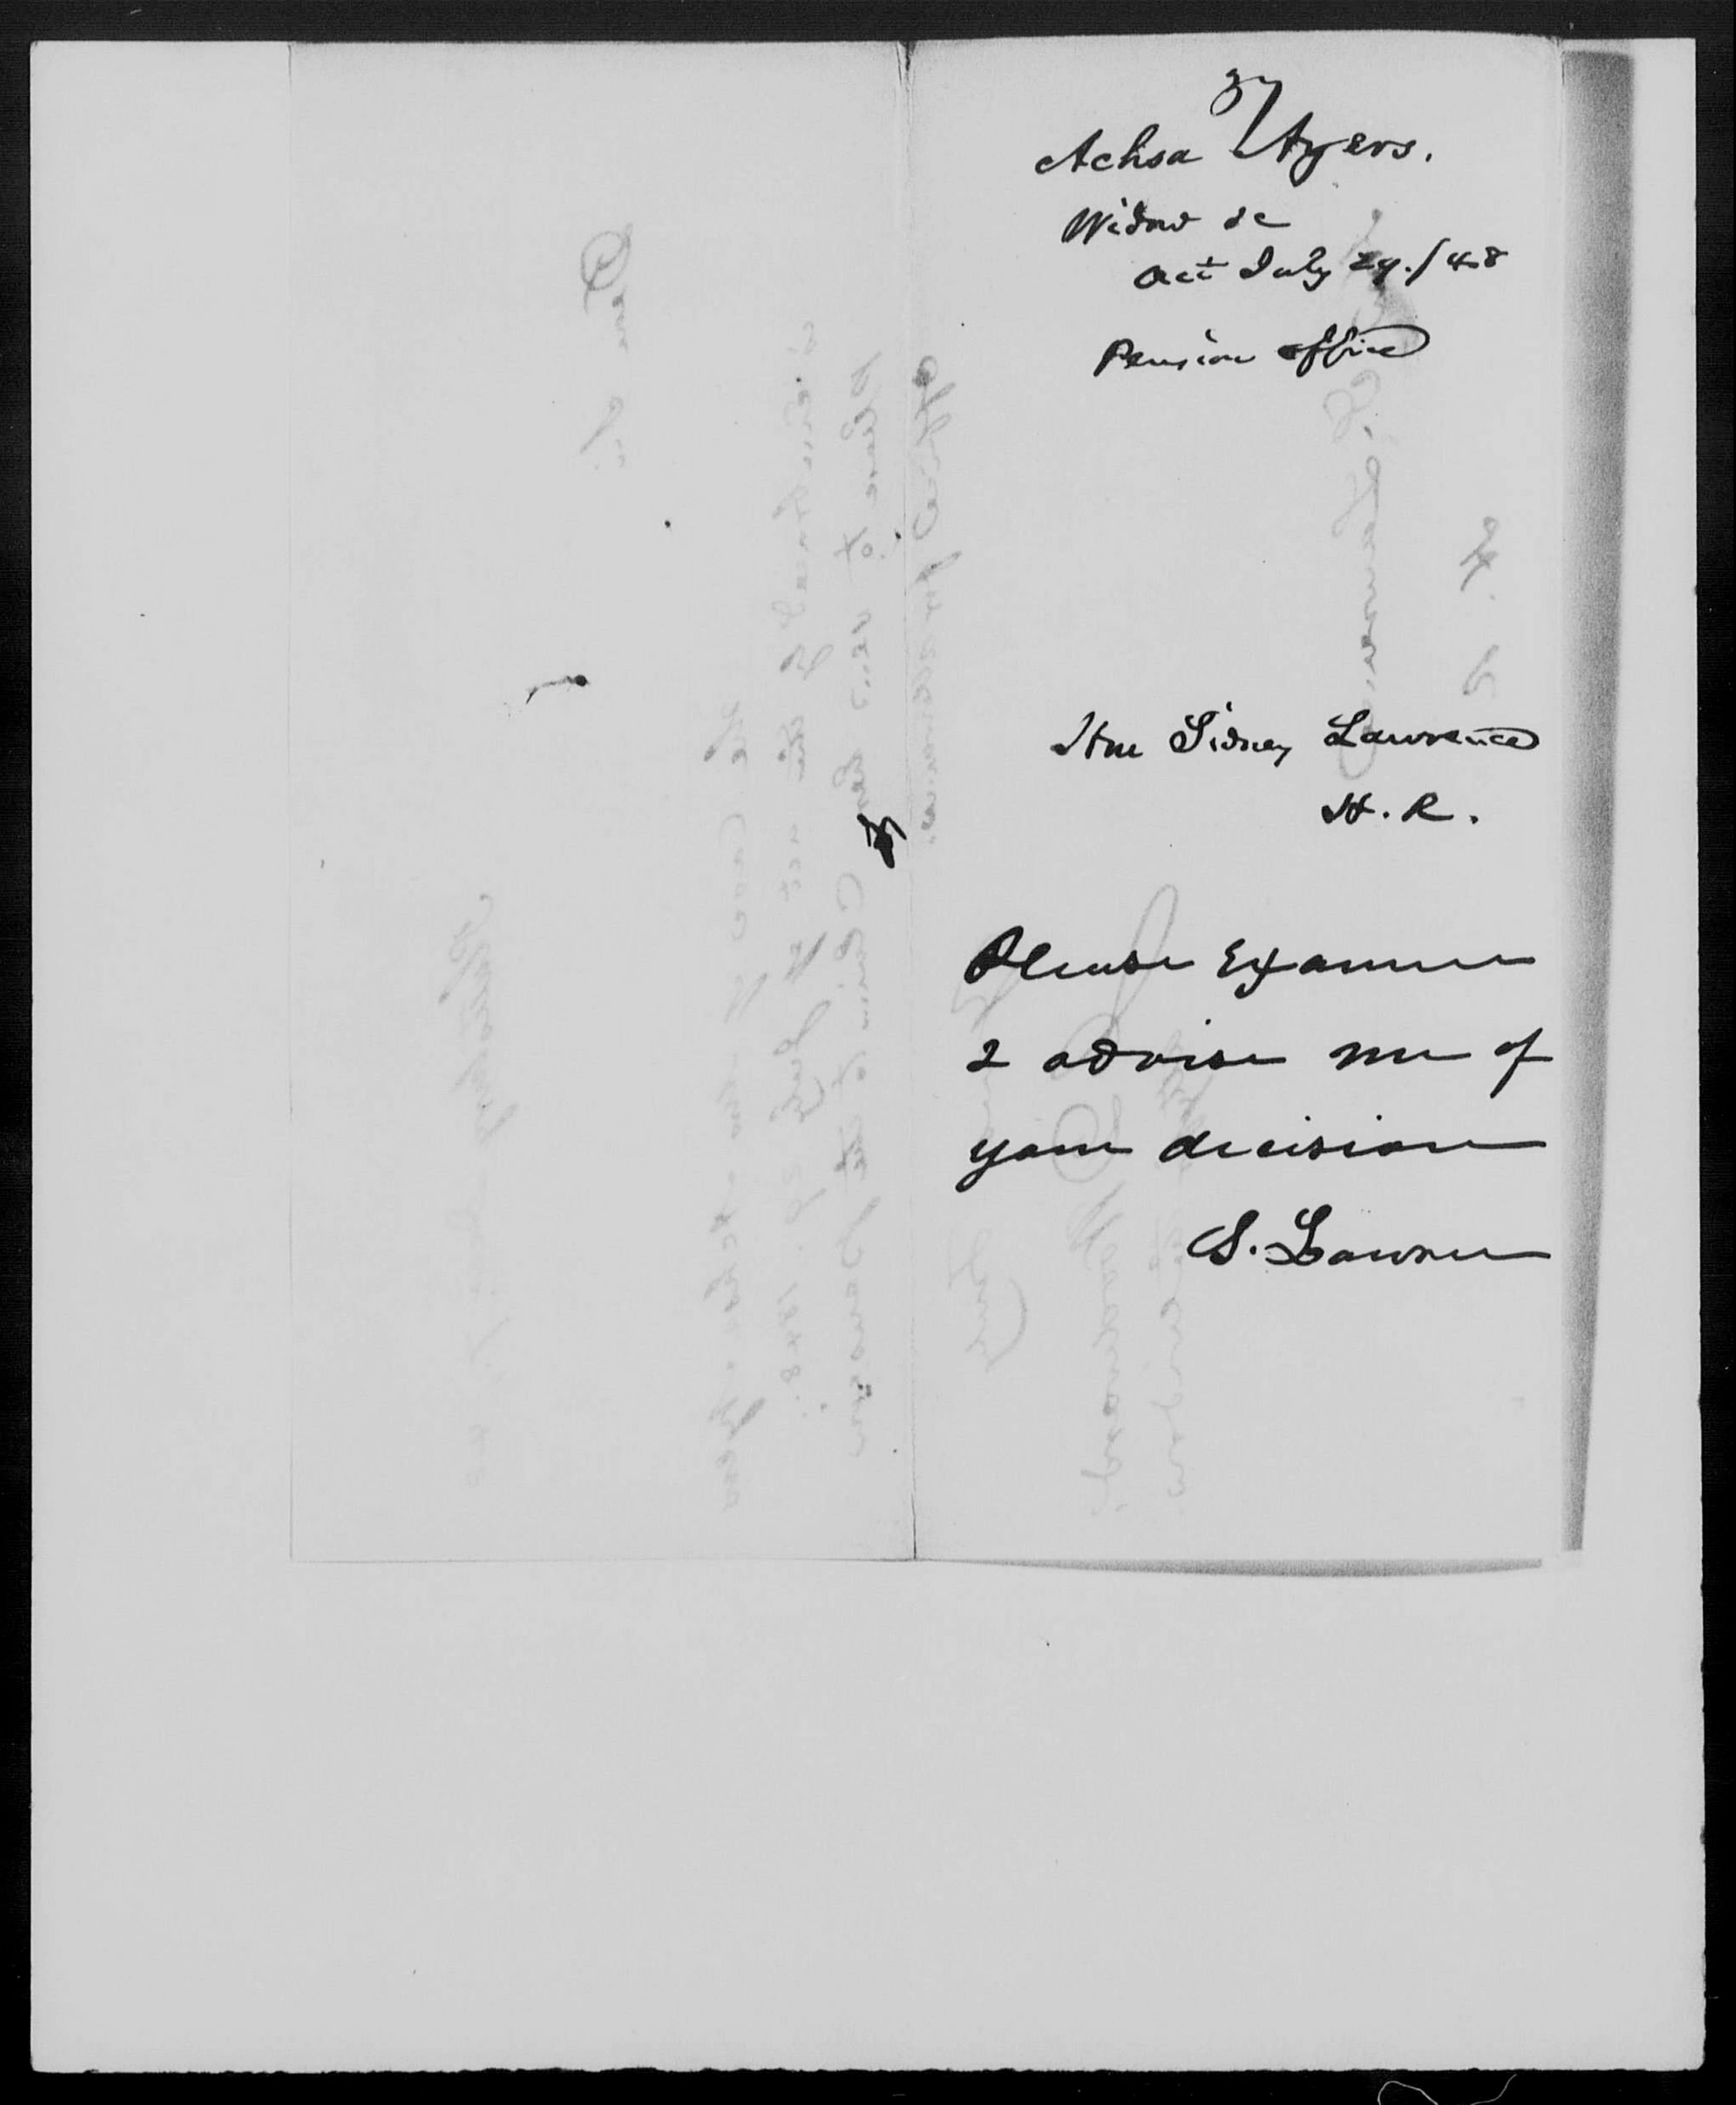Achsa Ayers, widow &c
act July 29 / 48
Pension office
Hon Sidney Lawrence
H. R.
Please examine & advise me of your decision
S. Lawren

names: Achsa Ayers, Sidney Lawrence, S Lawren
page: 41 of 50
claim: widow's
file: W. 8559, Ebenezer Ayer, Continental (Conn)